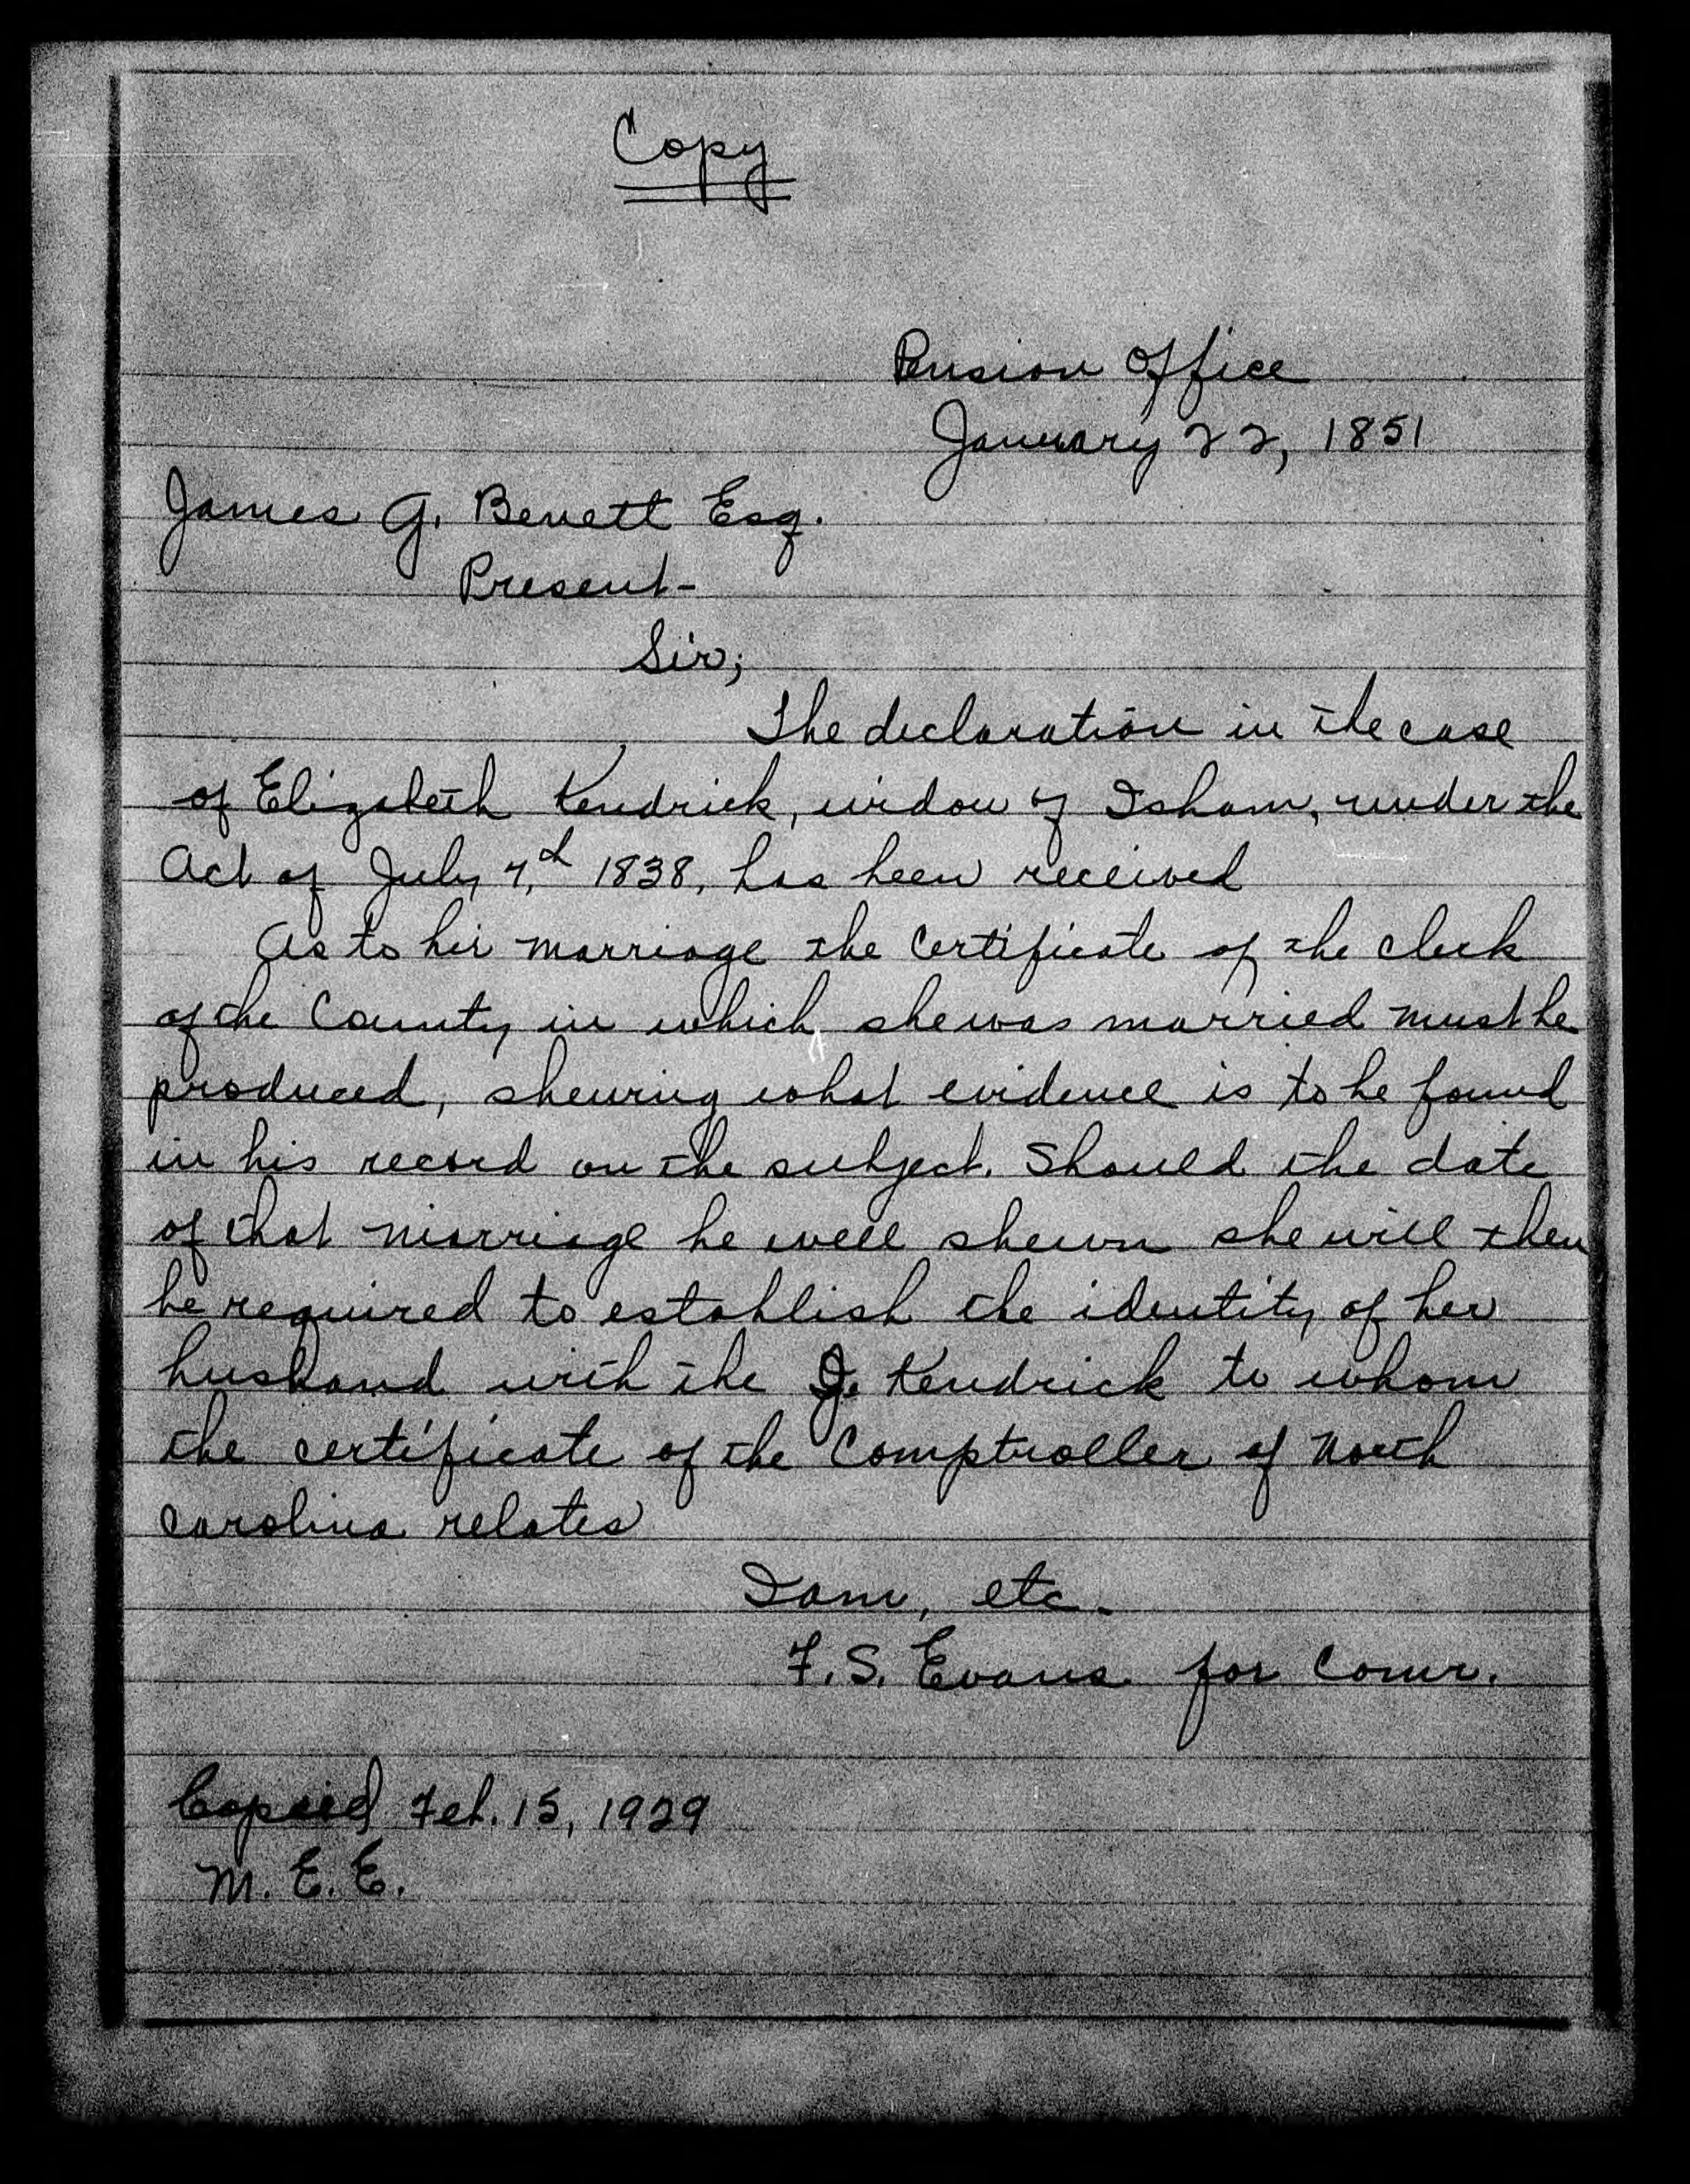Copy

Pension Office
January 22, 1851

James G. Berrett Esq.
Present - 

Sir;

The declaration in the case
of Elizabeth Kendrick, widow of Isham under the 
Act of July 7th, 1838, has been received
As to her marriage the certificate of the clerk 
of the County in which she was married must be 
produced, shewing what evidence is to be found 
in his record on the subject.  Should the date
of that marriage he well shewn she will then 
be required to establish the identity of her 
husband with the J. Kendrick to whom 
the certificate of the Comptroller of North
Carolina relates

I am, etc.
F. S. Evans for Comr.

Copied Feb 15, 1929
M.E.E.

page: 20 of 29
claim: rejected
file: R. 5862, for Isham Kendrick, North Carolina